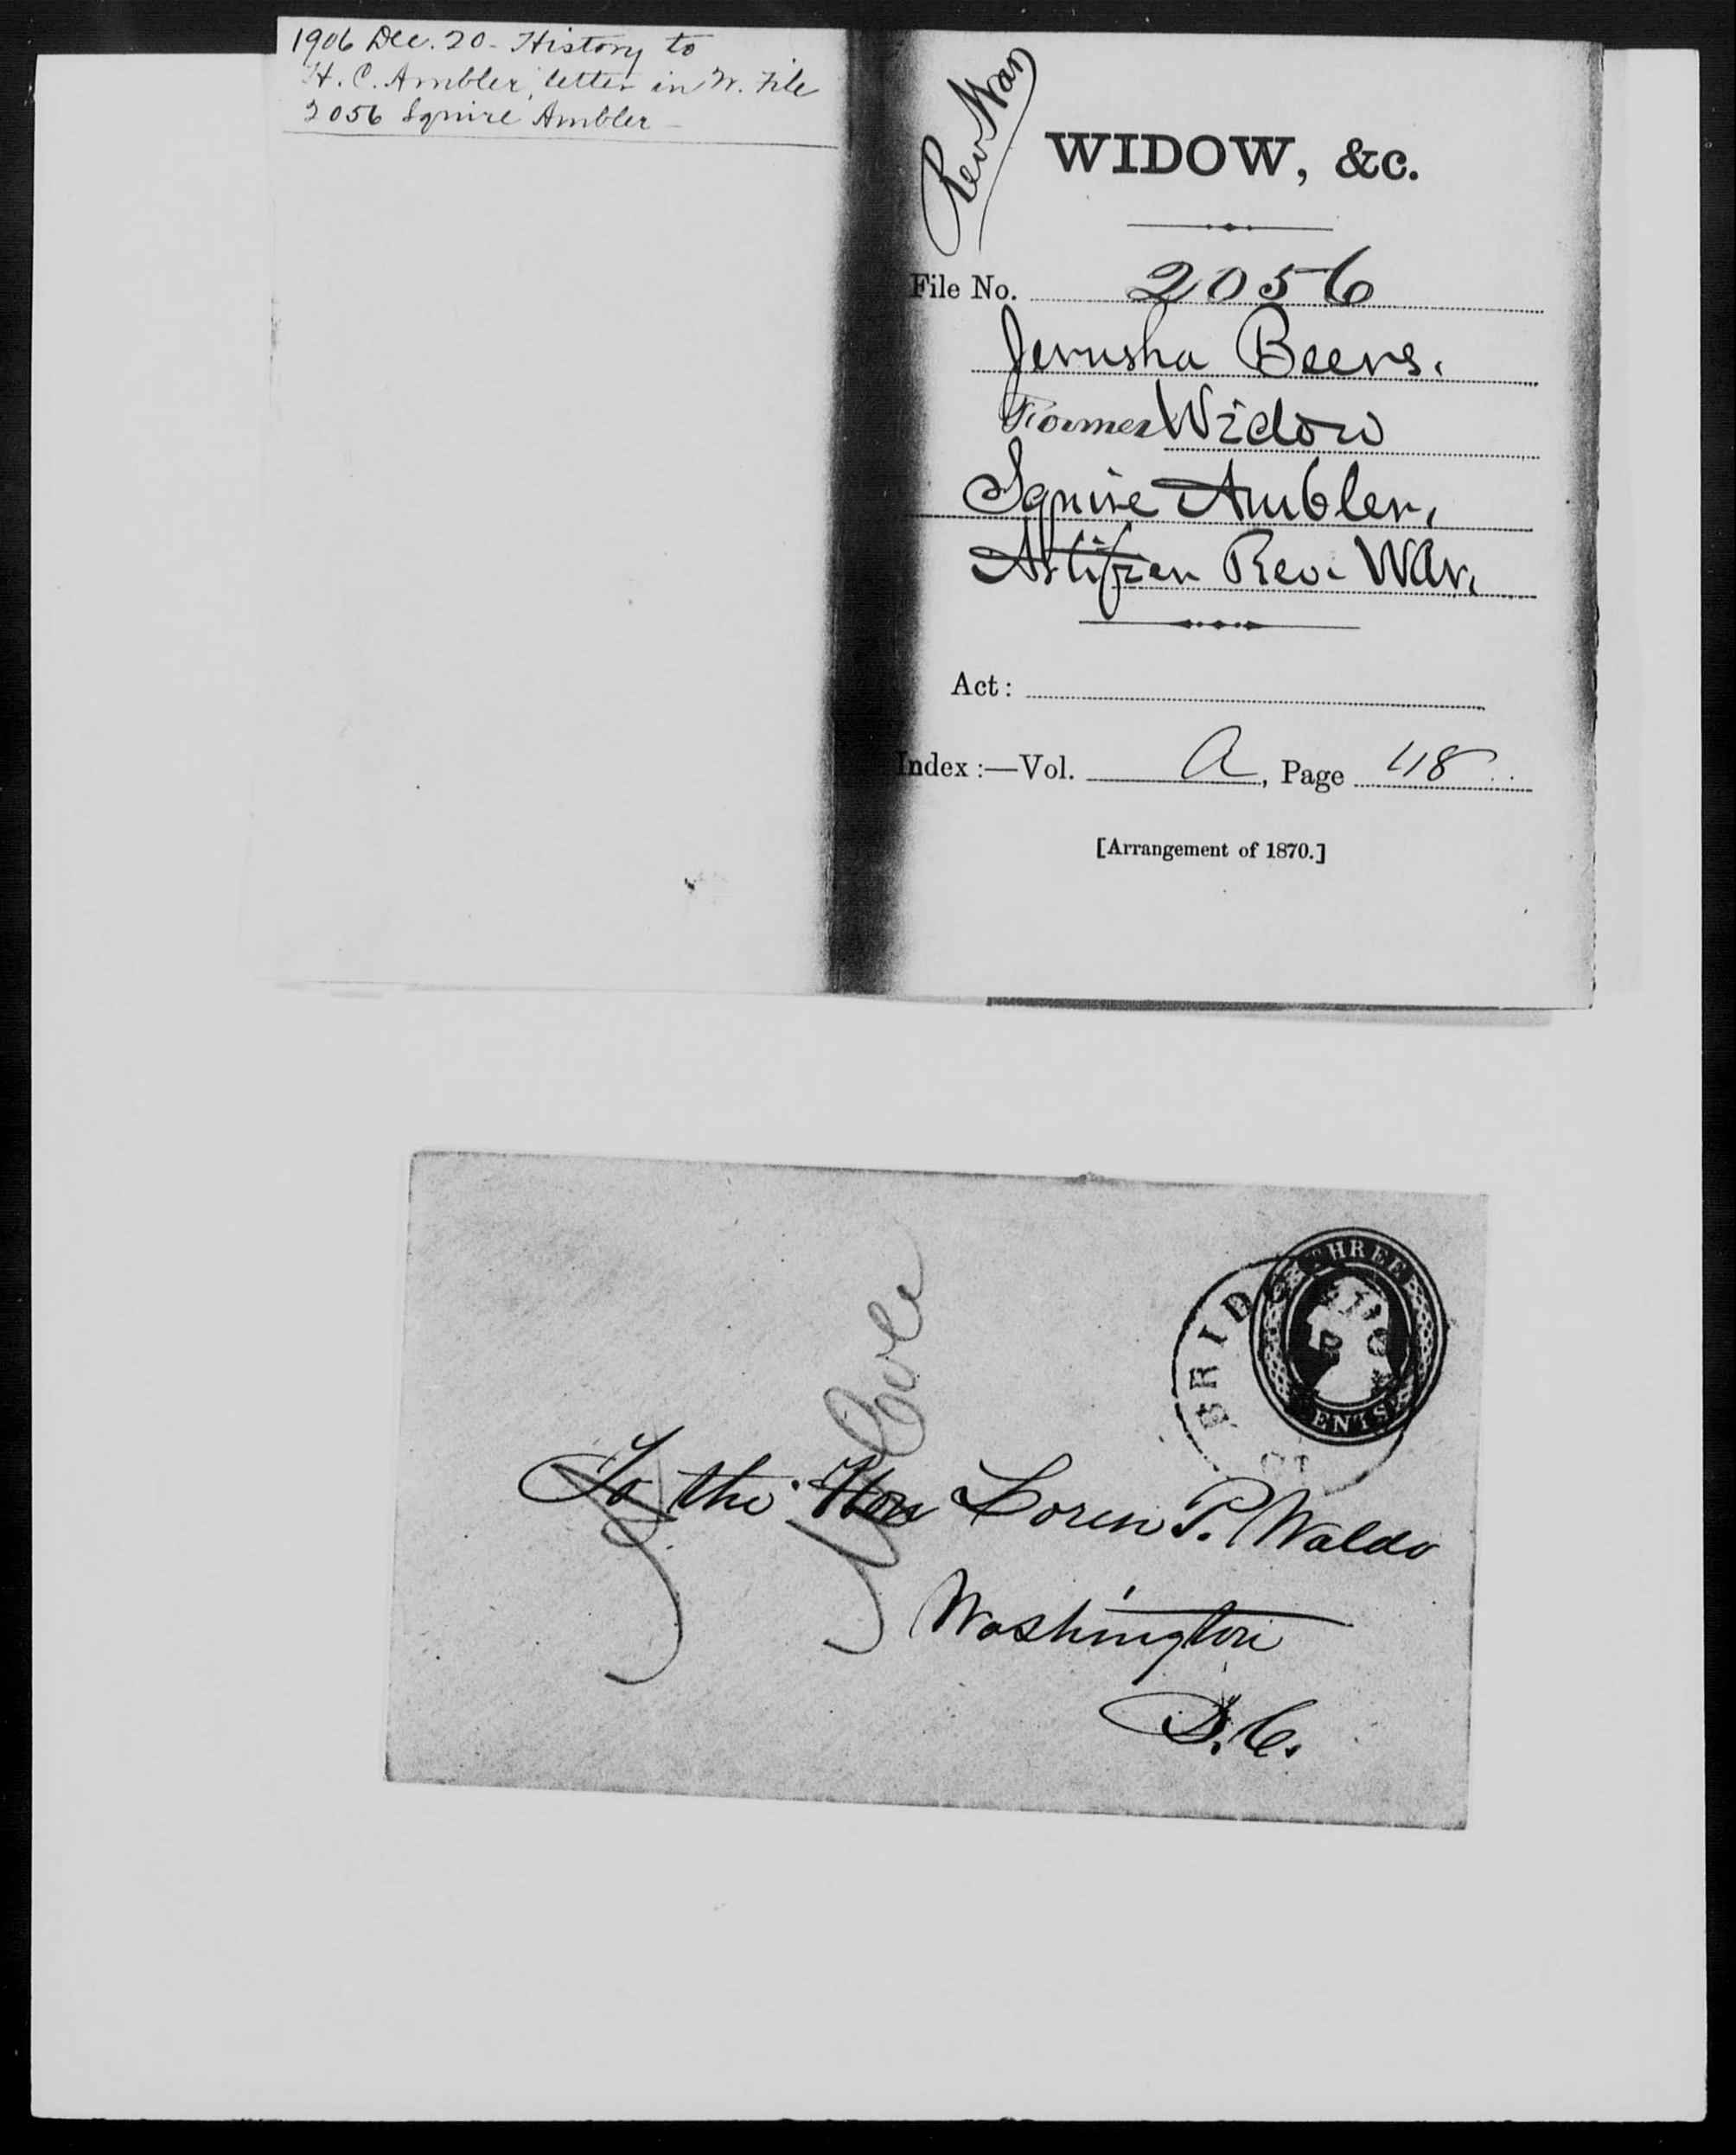[CARD]
WIDOW, &c. 
^Rev War [handwritten to the left of WIDOW, &c.]
File No. 2056
Jerusha Beers, Former Widow, Squire Ambler, Artificer Rev. [Revolutionary] War
Act: _____ [field blank]
Index:--Vol. A, Page 118
(Arrangement of 1870.)

[Handwritten notation in upper left-hand corner] 1906 Dec. [December] 20. History to H. C. Ambler, letter in [illegible] File 2056 Squire Ambler.

[ENVELOPE. Postmarked BRIDGEPORT CT and stamped THREE CENTS]
To the Hon [Honorable] Loren P. Waldo
Washington D.C.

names: Squire Ambler, Loren P Waldo, Jerusha Beers, H C Ambler, Squire Ambler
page: 30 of 39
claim: widow's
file: W. 2,056, Squire Ambler, Continental (Sol. Res. In N.Y. & Conn.)